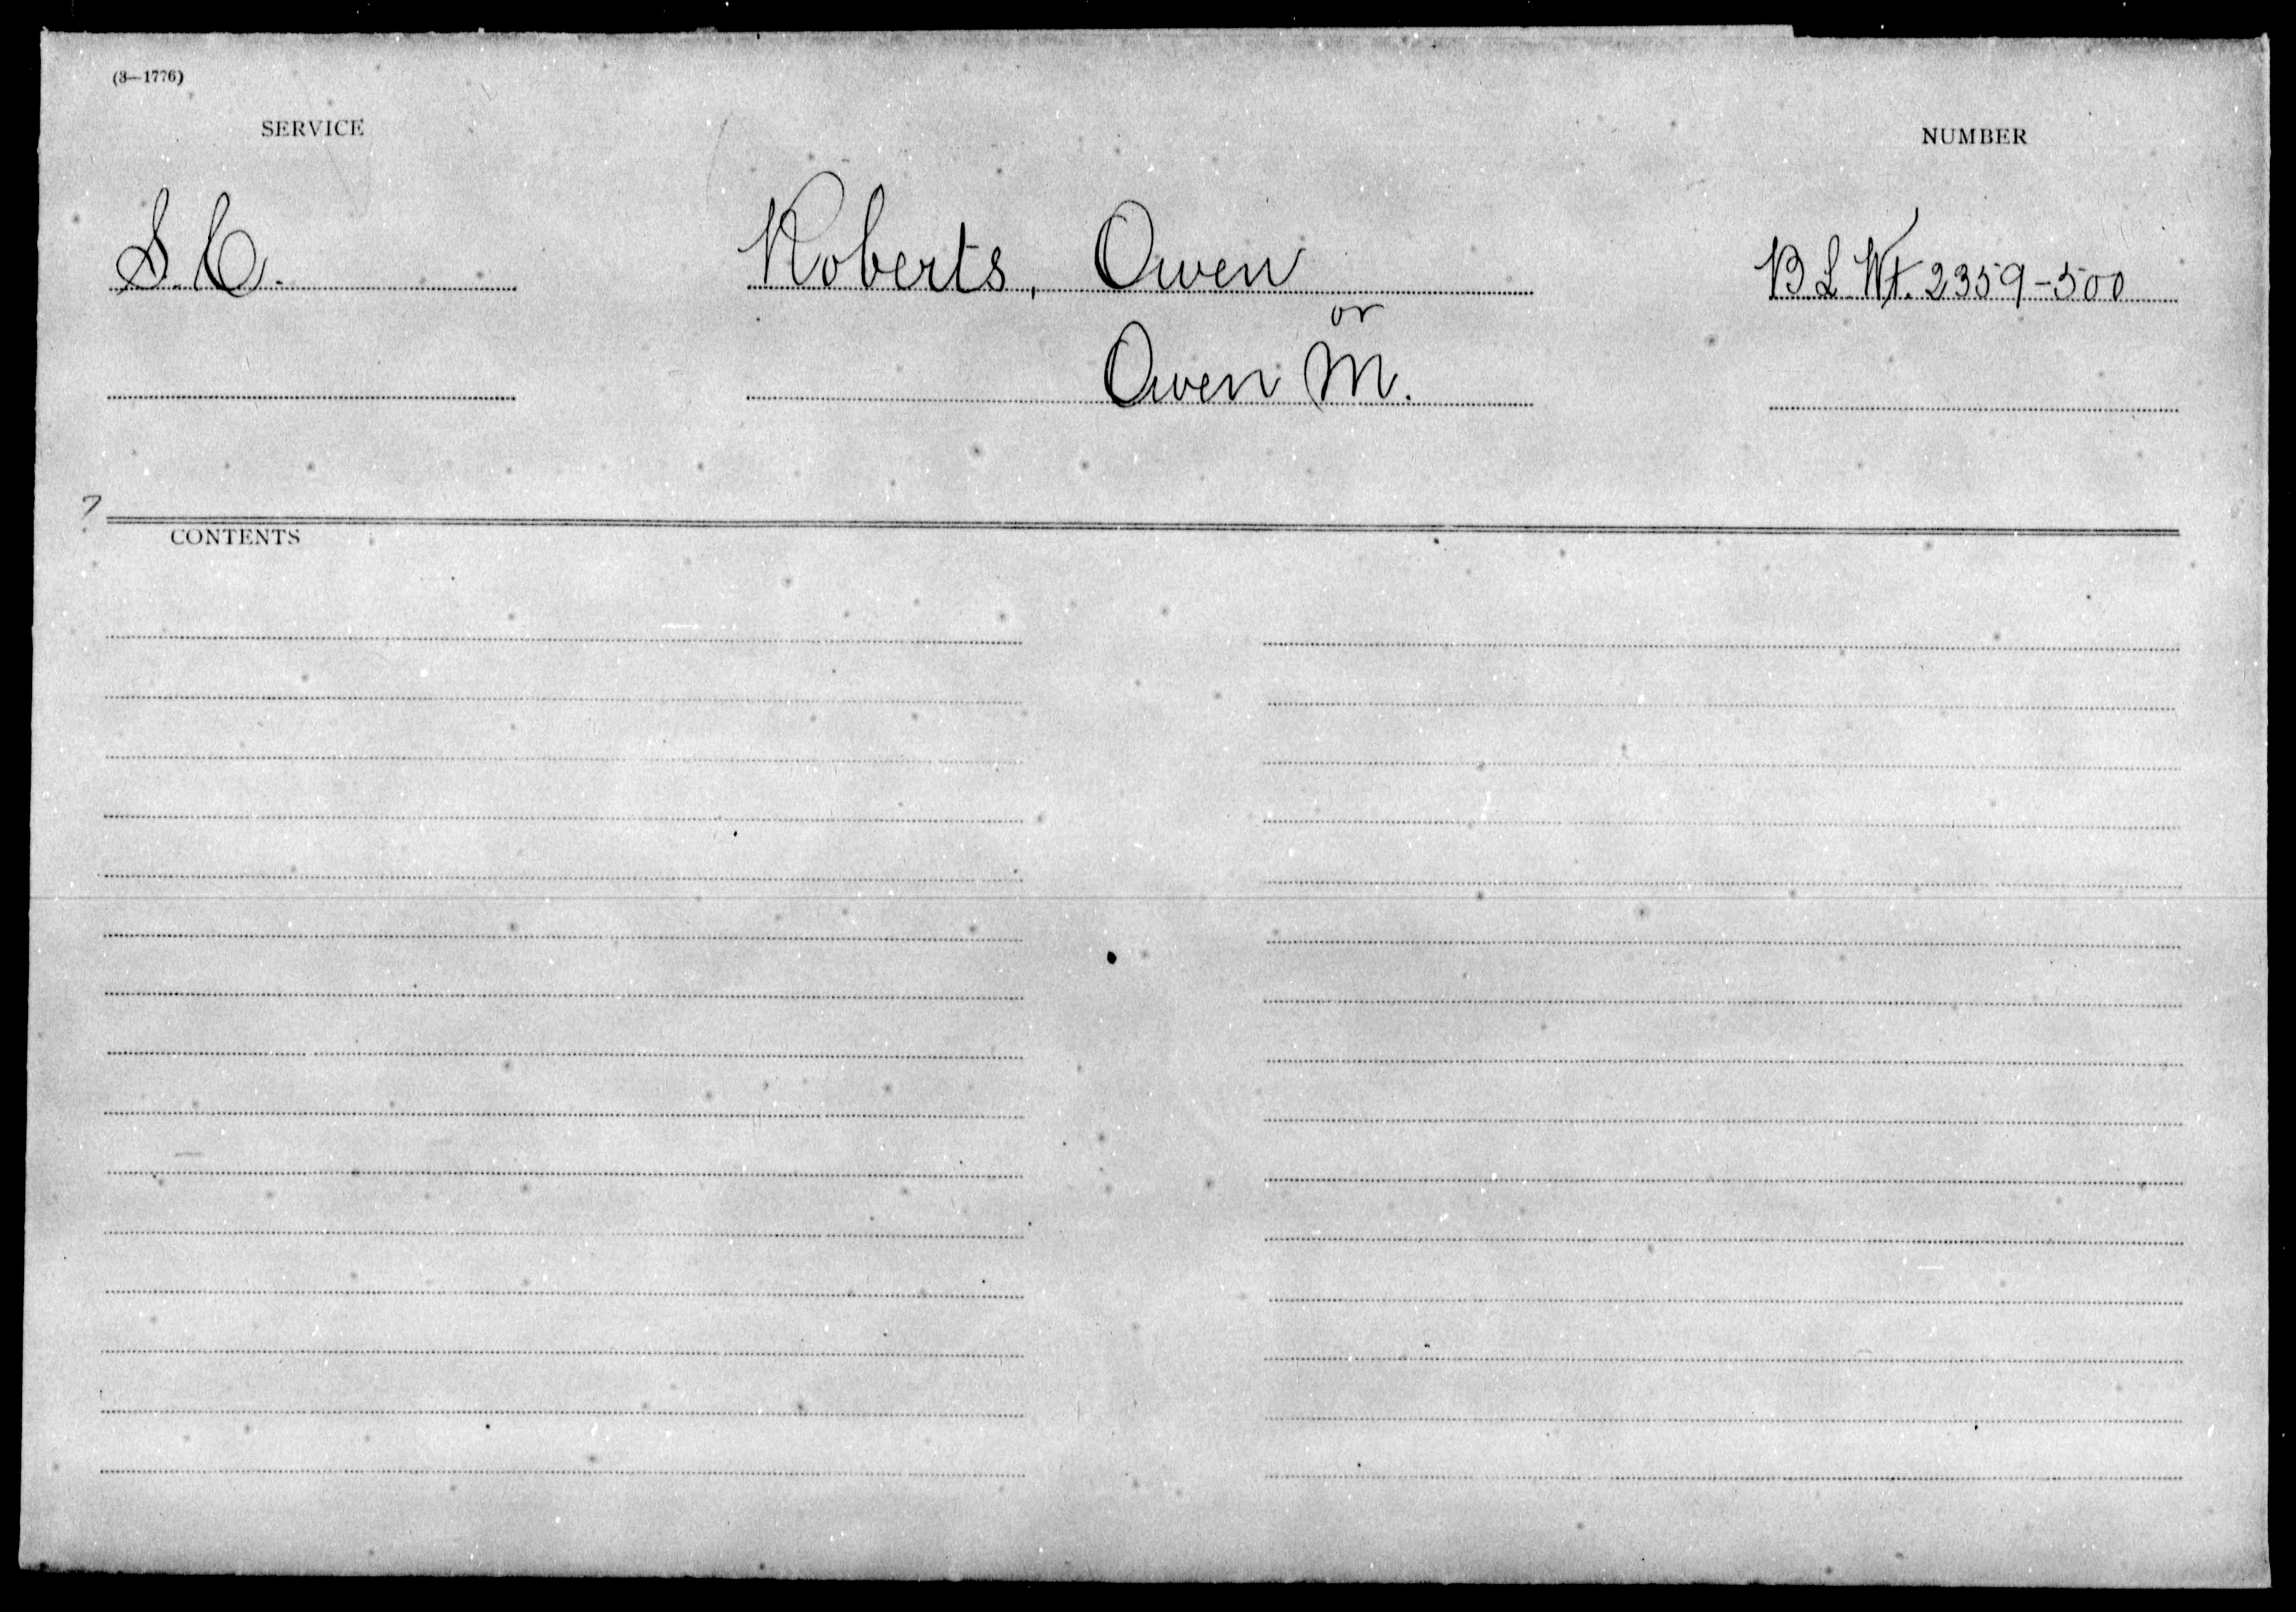(3-1776)

SERVICE 
S.C. 

Roberts, Owen  
or
Owen M.

NUMBER
B L Wt 2359-500

----------------------------
CONTENTS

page: 1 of 59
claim: bounty land warrant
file: B.L.Wt. 2359-500, for Owen Roberts, South Carolina